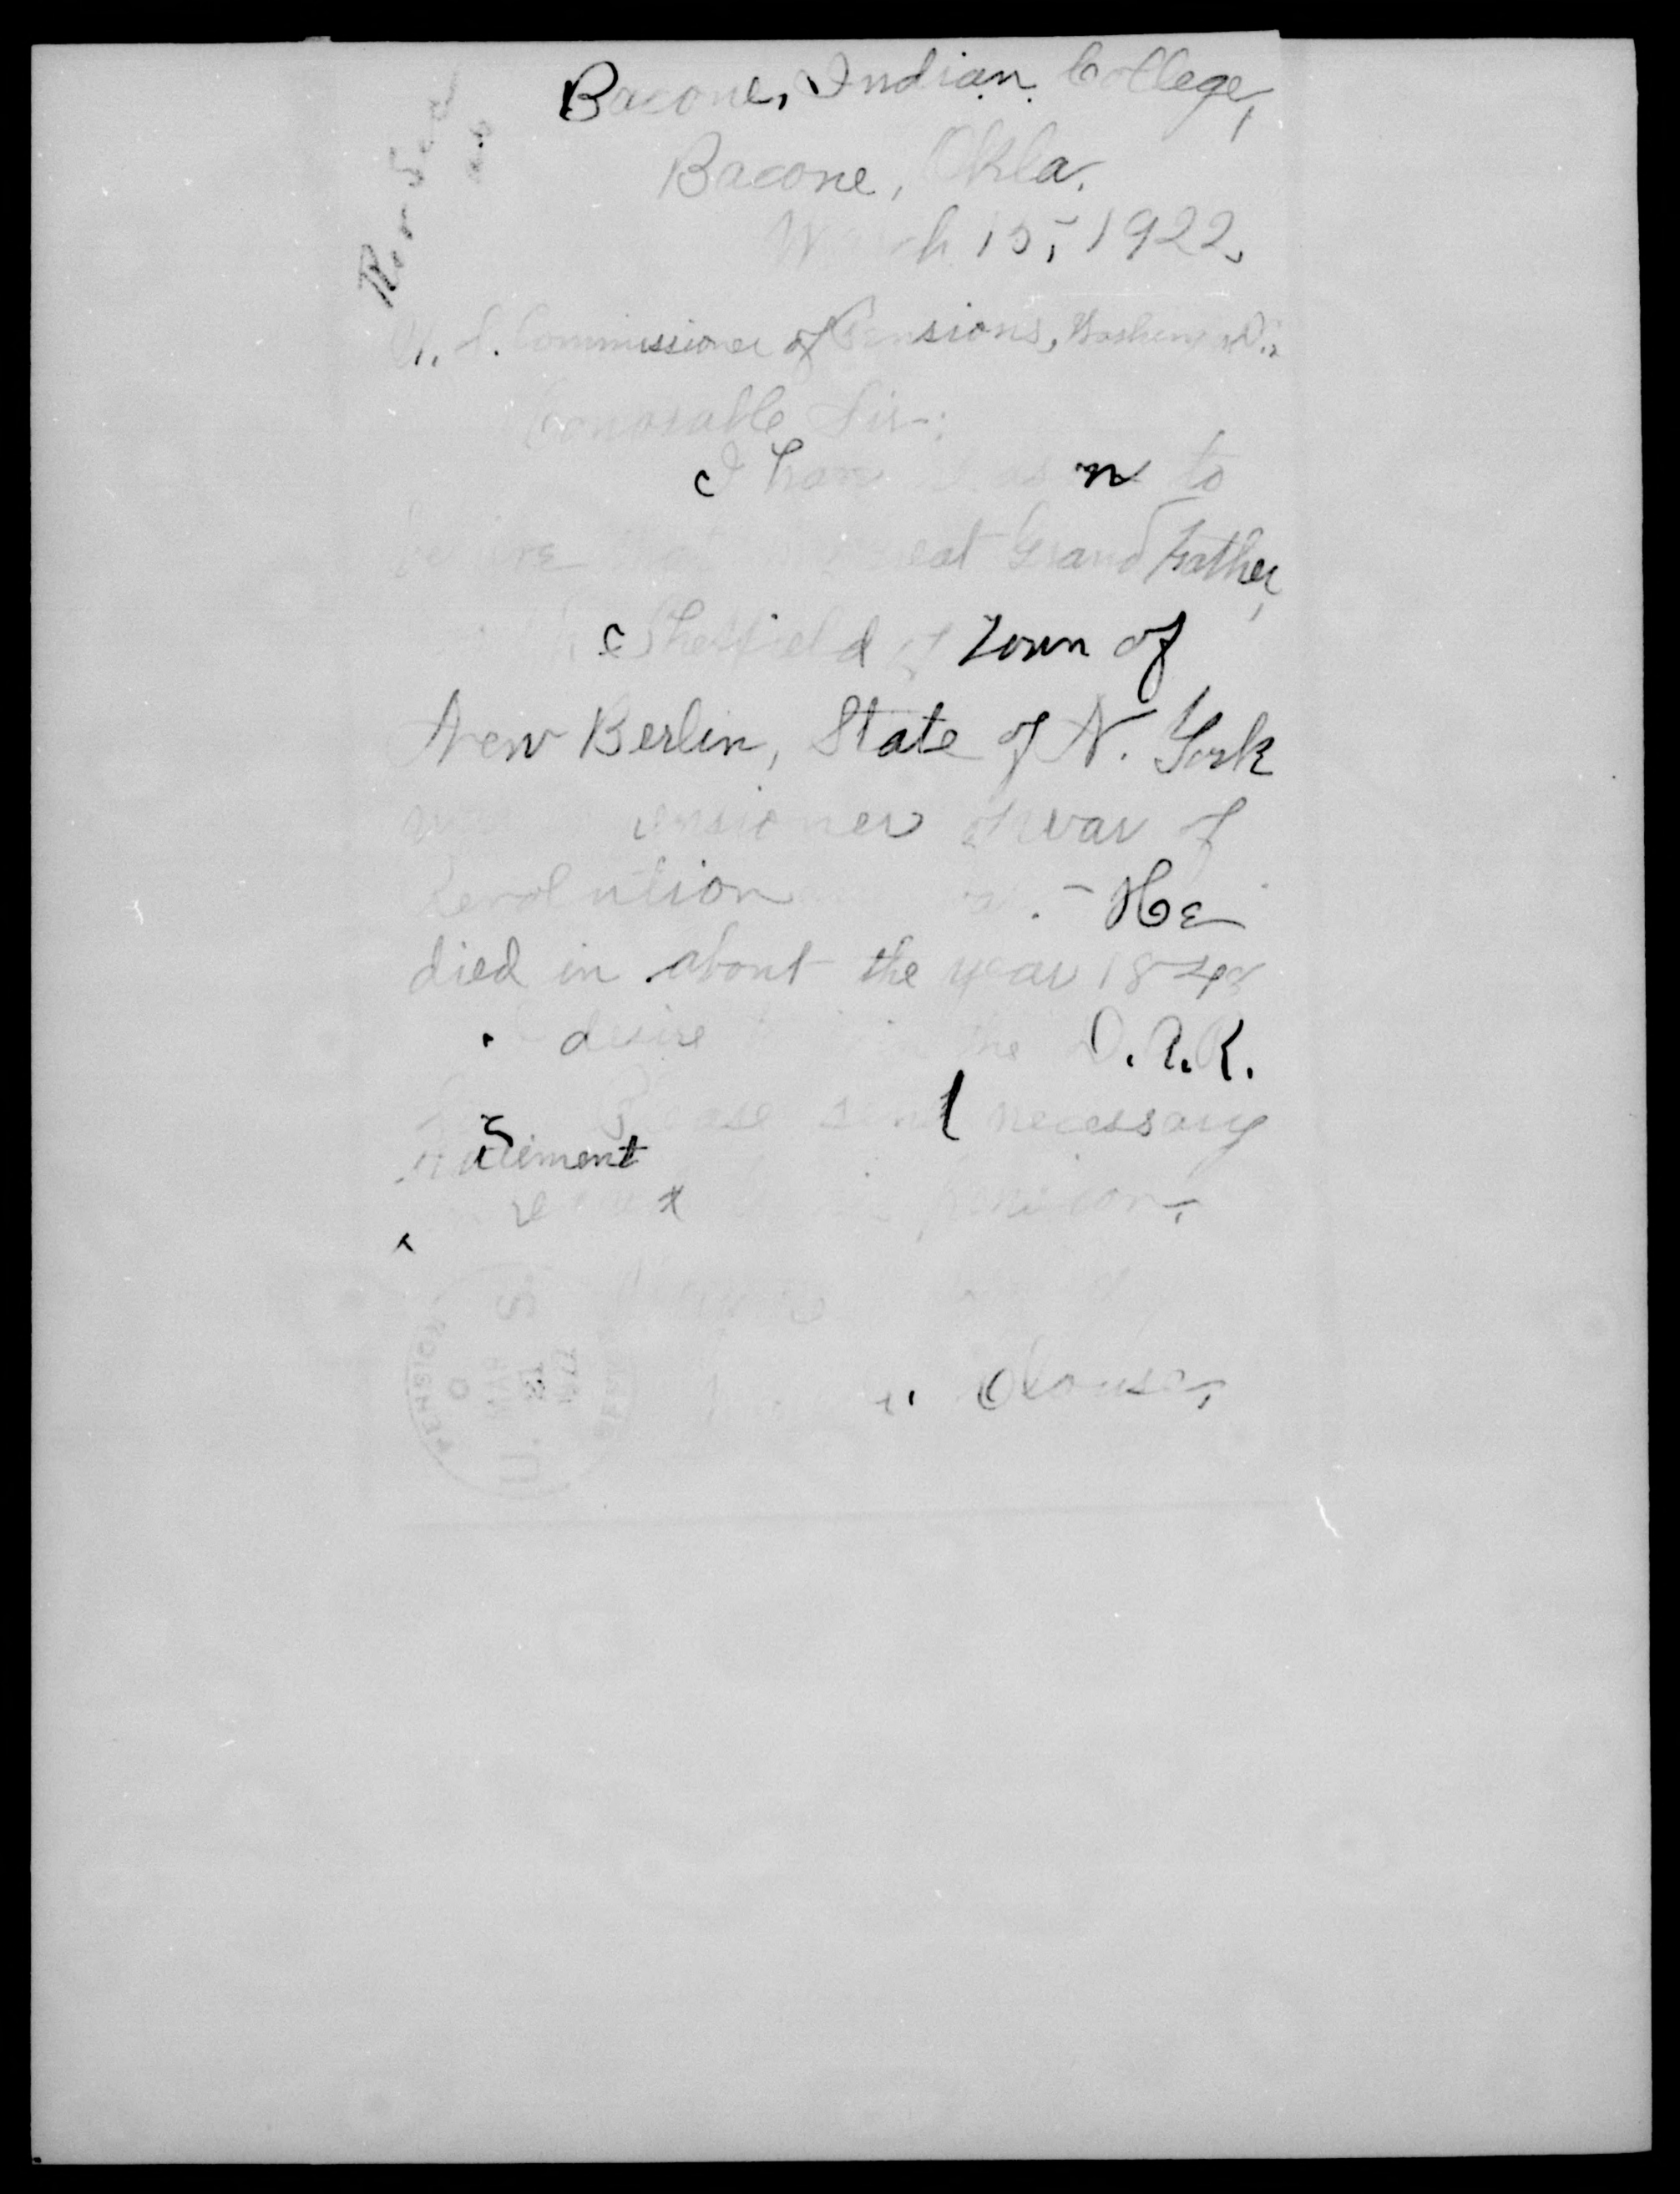Rev Sec

Bacone, Indian College,
Bacone, Okla.
March 15, 1922
U. S. Commissioner of Pensions, Washington D.C.
Honorable Sir
I have reason 
to believe my great grandfather
Joseph Sheffield Town of
New Berlin, State of N. York
was a pensioner of war of
Revolution [illegible] He
died in about the year 1845
I desire to be in the D.A.R.
Please send necessary
statement [illegible] pension
[illegible]
Mary D. Clouse

[stamp]
US PENSION OFFICE
O MAR 21 1922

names: Mary D Clouse; Joseph Sheffield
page: 15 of 25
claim: survivor's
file: S. 42,272, for Joseph Sheffield, Connecticut